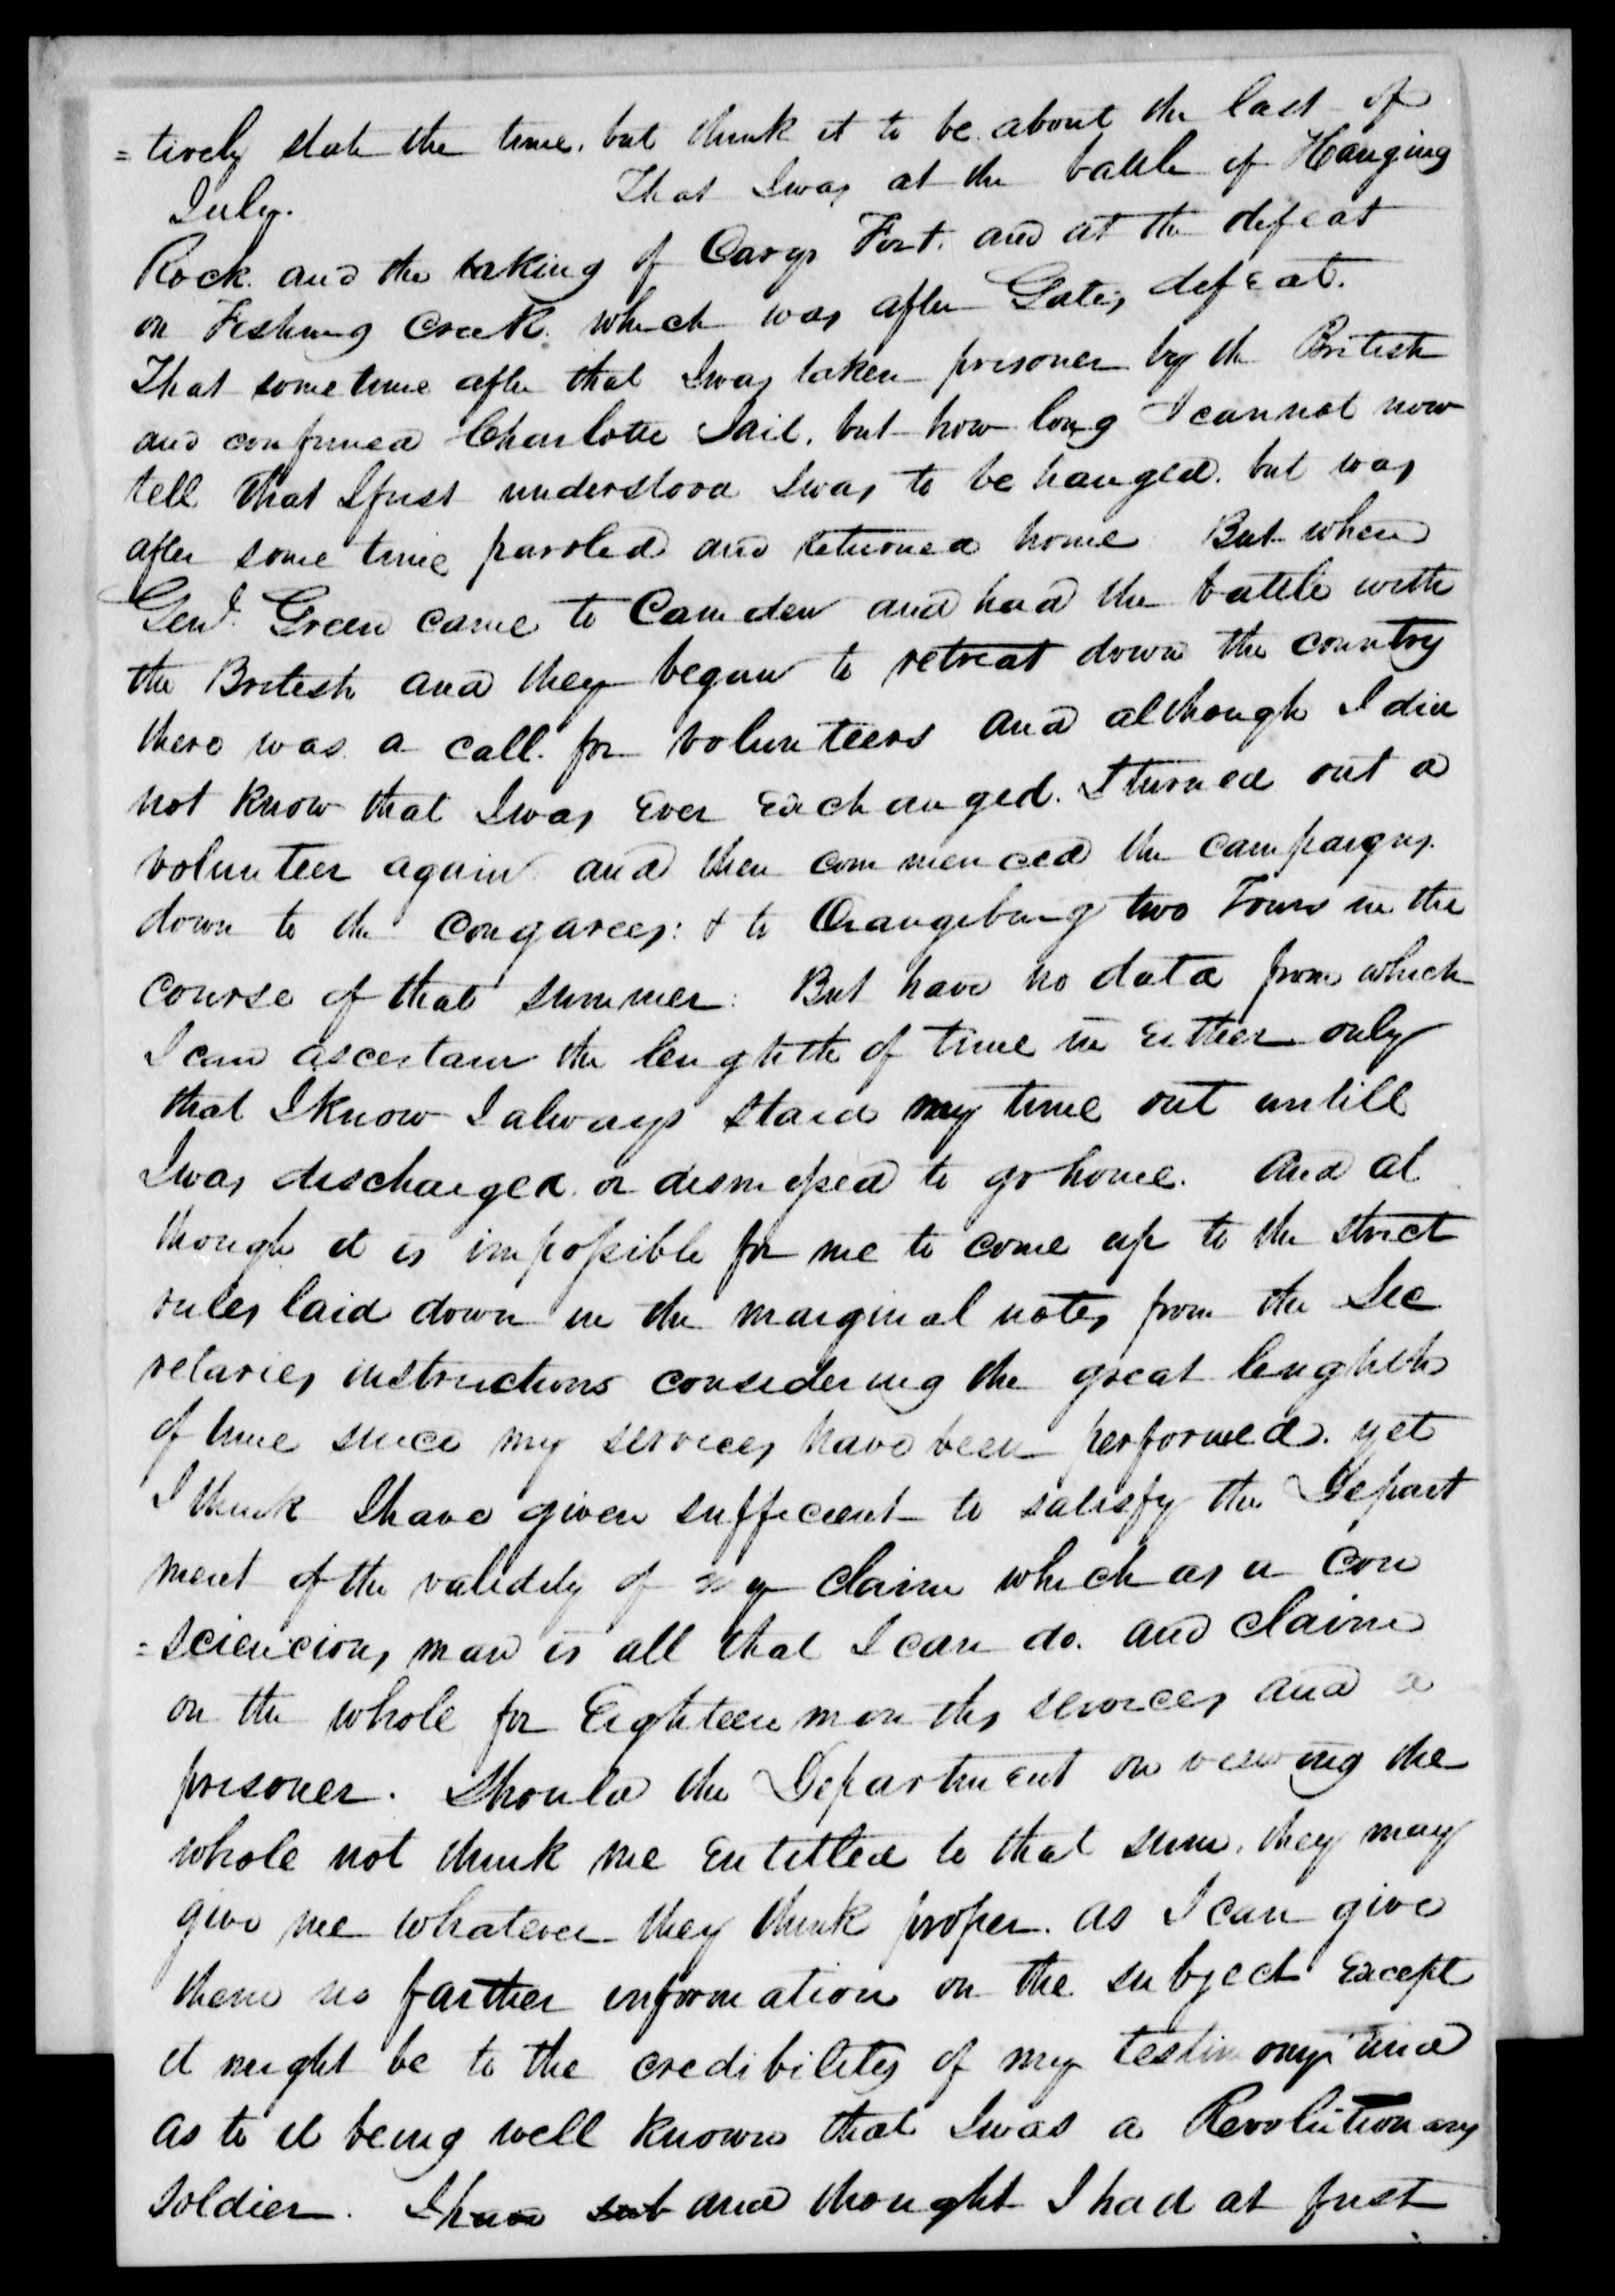[posi]tively state the time, but think it to be about the last of July. That I was at the battle of Hanging Rock and the taking of Carys Fort and at the defeat on Fishing Creek which was after Gates defeat. That some time after that I was taken prisoner by the British and confined Charlotte Jail, but how long I cannot now tell that I first understood I was to be hanged, but was after some time paroled and returned home. But when Genl Green came to Camden and had the battle with the British and they began to retreat down the country there was a call for volunteers and although I did not know that I was ever exchanged I turned out a volunteer again and then commenced the campaigns down to the Congaree & to Orangeburg two tours in the course of that summer: But have no data from which I can ascertain the length of time in either only that I know I always staid my time out until I was discharged or dismissed to go home. And although it is impossible for me to come up to the strict
rules laid down in the marginal notes from the Secretaries instructions considering the great length
of time since my services have been performed, yet I think I have given sufficient to satisfy the Department of the validity of my claim which as a conscientious man is all that I can do and claim
on the whole for Eighteen months service and a prisoner. Should the Department on viewing the
whole not think me entitled to that sum, they may give me whatever they think proper, as I can give
them no farther information on the subject except it might be to the credibility of my testimony and
as to it being well known that I was a Revolutionary Soldier. I have sat and thought I had at first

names: Green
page: 9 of 22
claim: survivor's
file: S. 9528, George Weir, S.C.